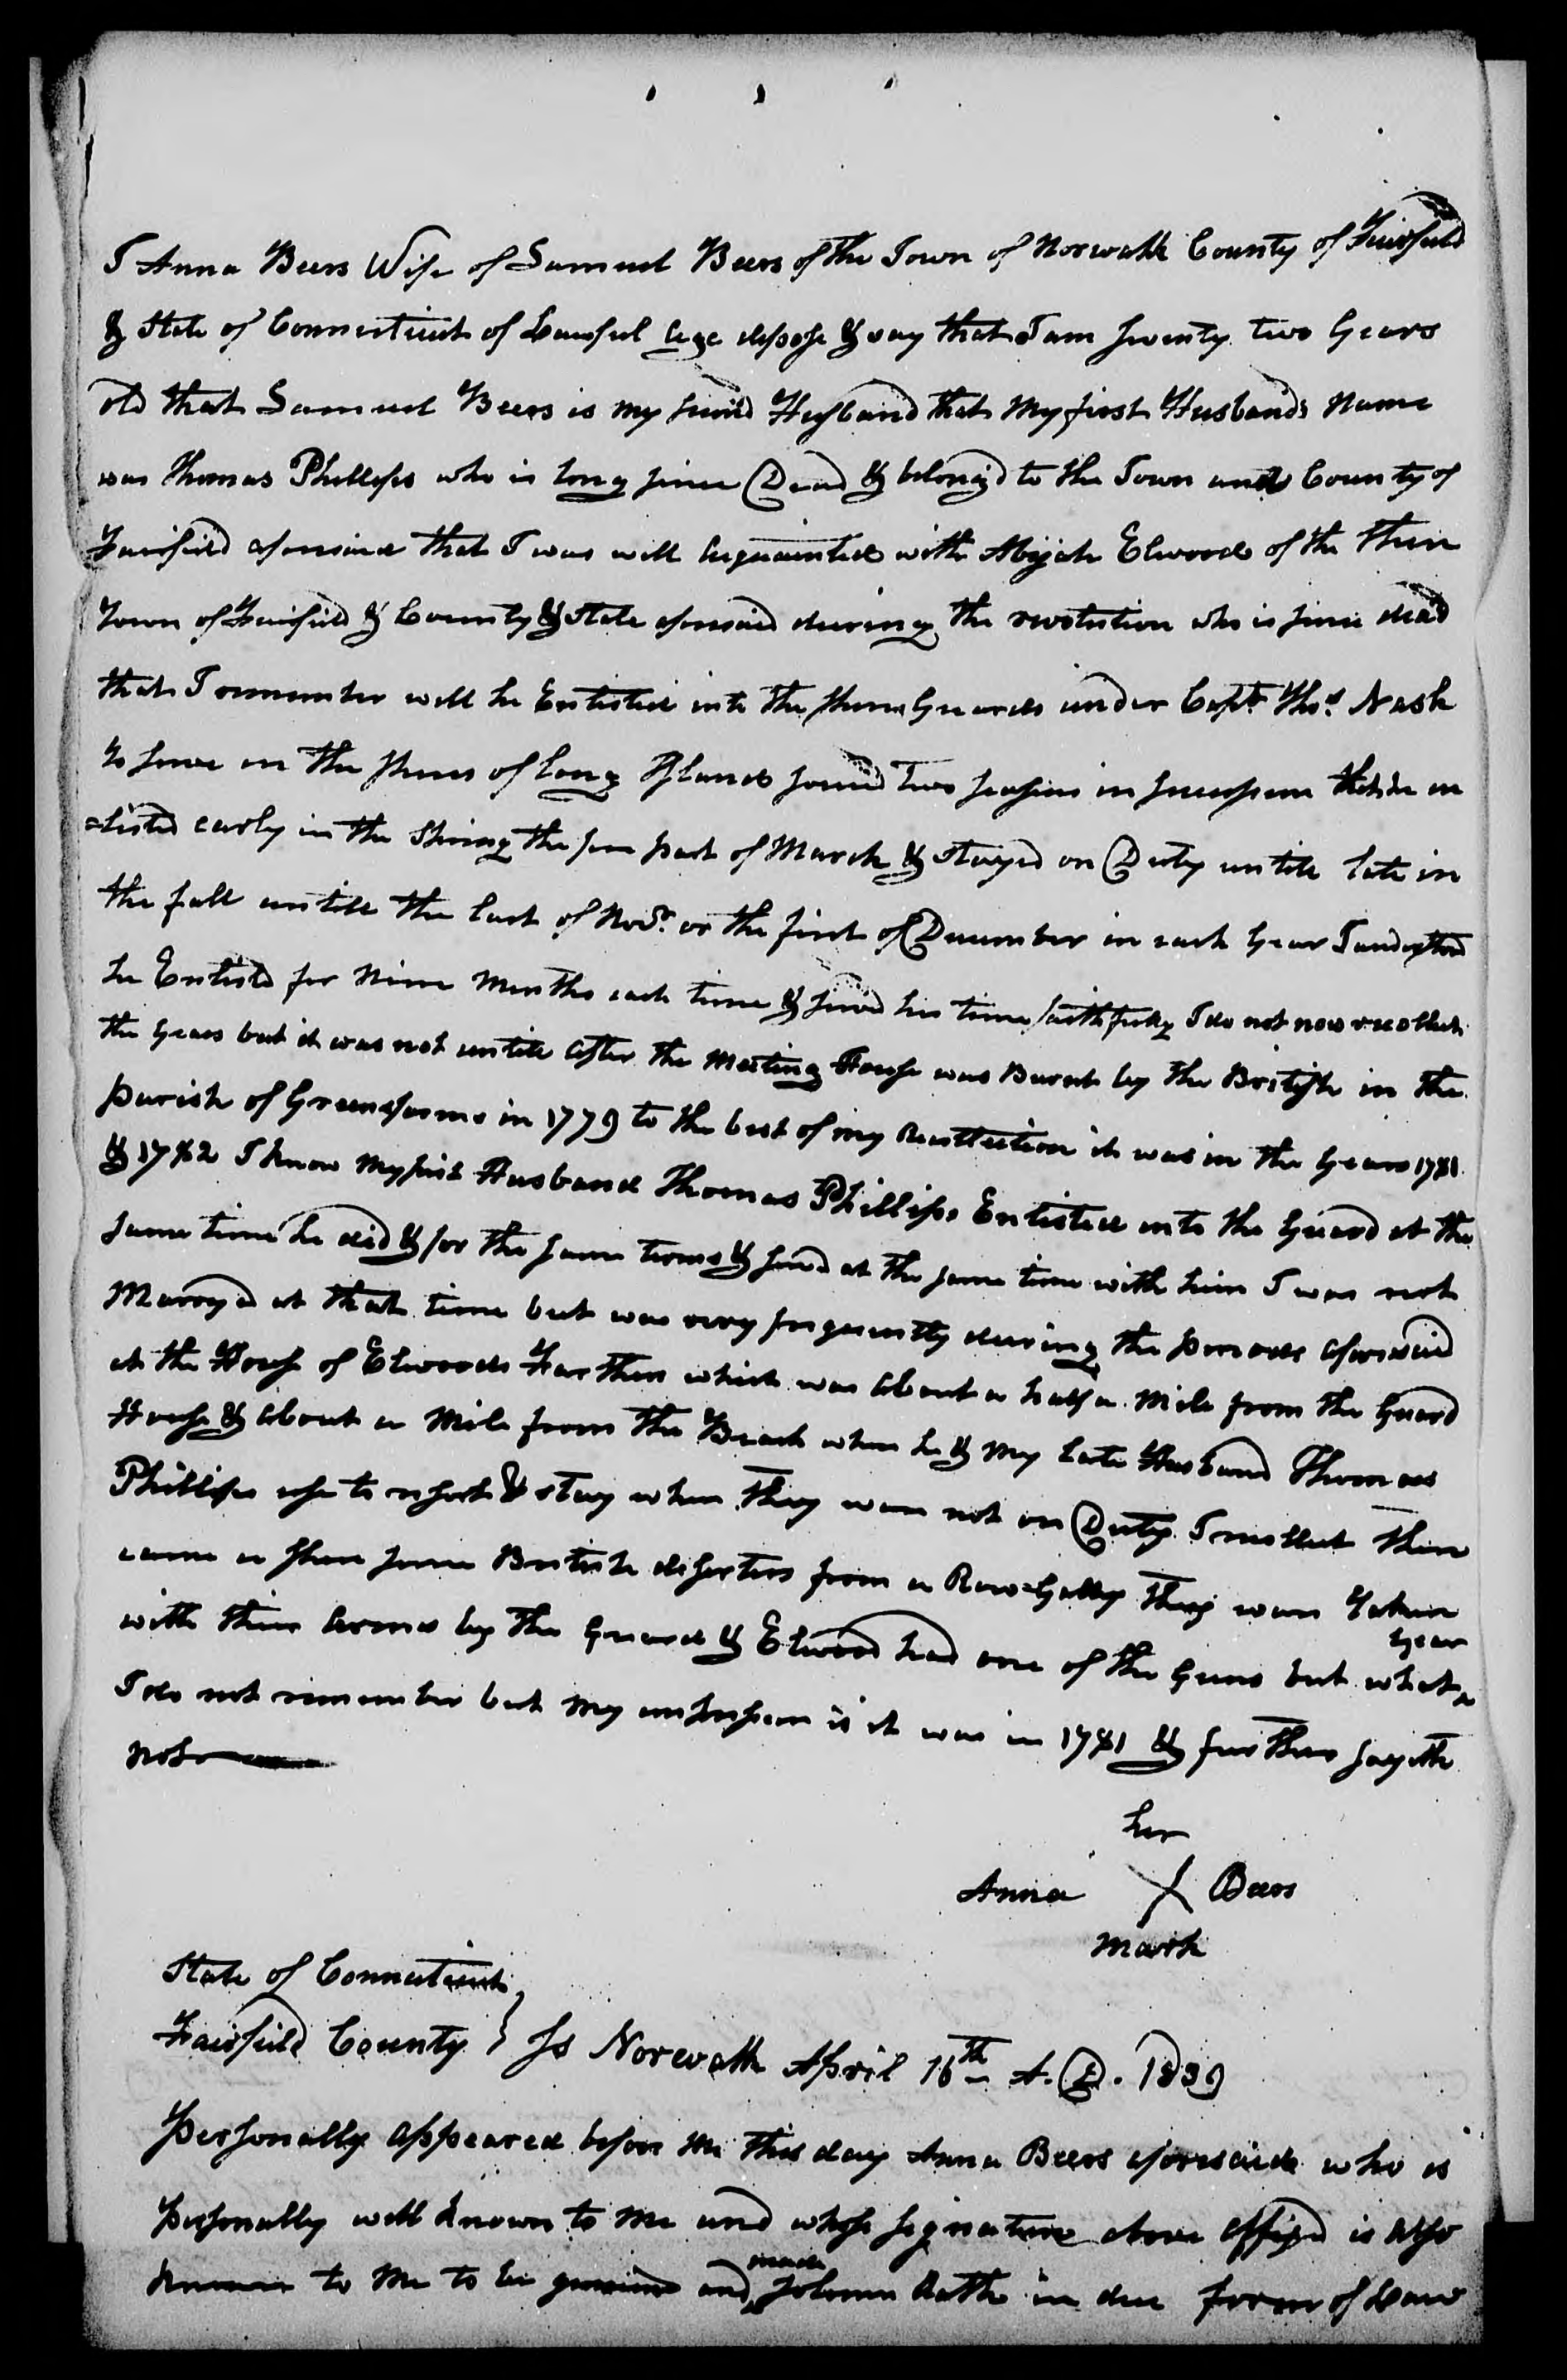I Anna Beers Wife of Samuel Beers of the Town of Norwalk County of Fairfield
& State of Connecticut of Lawful age depose & say that I am seventy two years
old that Samuel Beers is my said Husband that my first Husbands name
was Thomas Phillips who is long since Dead & belonged to the Town and County of
Fairfield aforesaid that I was well acquainted with Abijah Elwood of the then
Town of Fairfield & County & State aforesaid during the revolution who is since dead
that I remember well he Enlisted into the Shore Guards under Capt Tho's Nash
to serve on the shores of Long Island from two papers in [1 illegible] then he enlisted
early in the Spring the 1s part of March & stayed on Duty untill late in
the fall until the last of Nov'r or the first of December in each year I understand
he Enlisted for nine months each time & serv'd his time faithfully I do not now recollect
the years but it was not untill after the Meeting House was burnt by the British in the
Parish of Greensform in 1779 to the best of my recollection it was in the year 1781
& 1782 I know My first Husband Thomas Phillips Enlisted into the Guard at the 
same
time he did & for the same time & srv'd at the same time with him I was not
Marrri'd at that time but was very frequently during the [illegible] aforesaid
at the House of Elwoods Farther which was about half a mile from the Guard
House & about a mile from the Beach when he & my late husband Thomas
Phillips use to [illegible] & stay when they were not on Duty I [2 illegible]
came upon some British deserters from a Row Galley ship was taken
with their arms by the Guard & Elwood had one of the guns but what year
do not remember but my impression is it was in 1781 & further sayeth
not.
                                                   her
                                            Anna X Beers
                                                  Mark
State of Connecticut}
Fairfield County} ss Norwalk April 16th A.D. 1839
personally appeared before me this day Anna Beers aforesaid who is
personally well known to me and whose signature above affixed is also
known to me to be given and made solemn Oath in due form of Law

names: Samuel Beers, Abijah Elwood, Thos Nash, Anna Beers, Thomas Phillips, Thomas Phillips, Anna Beers, Thomas Phillips, Samuel Beers, Anna Beers, Elwood, Elwoods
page: 59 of 69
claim: widow's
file: W. 25562, Abijah Elwood, Conn.